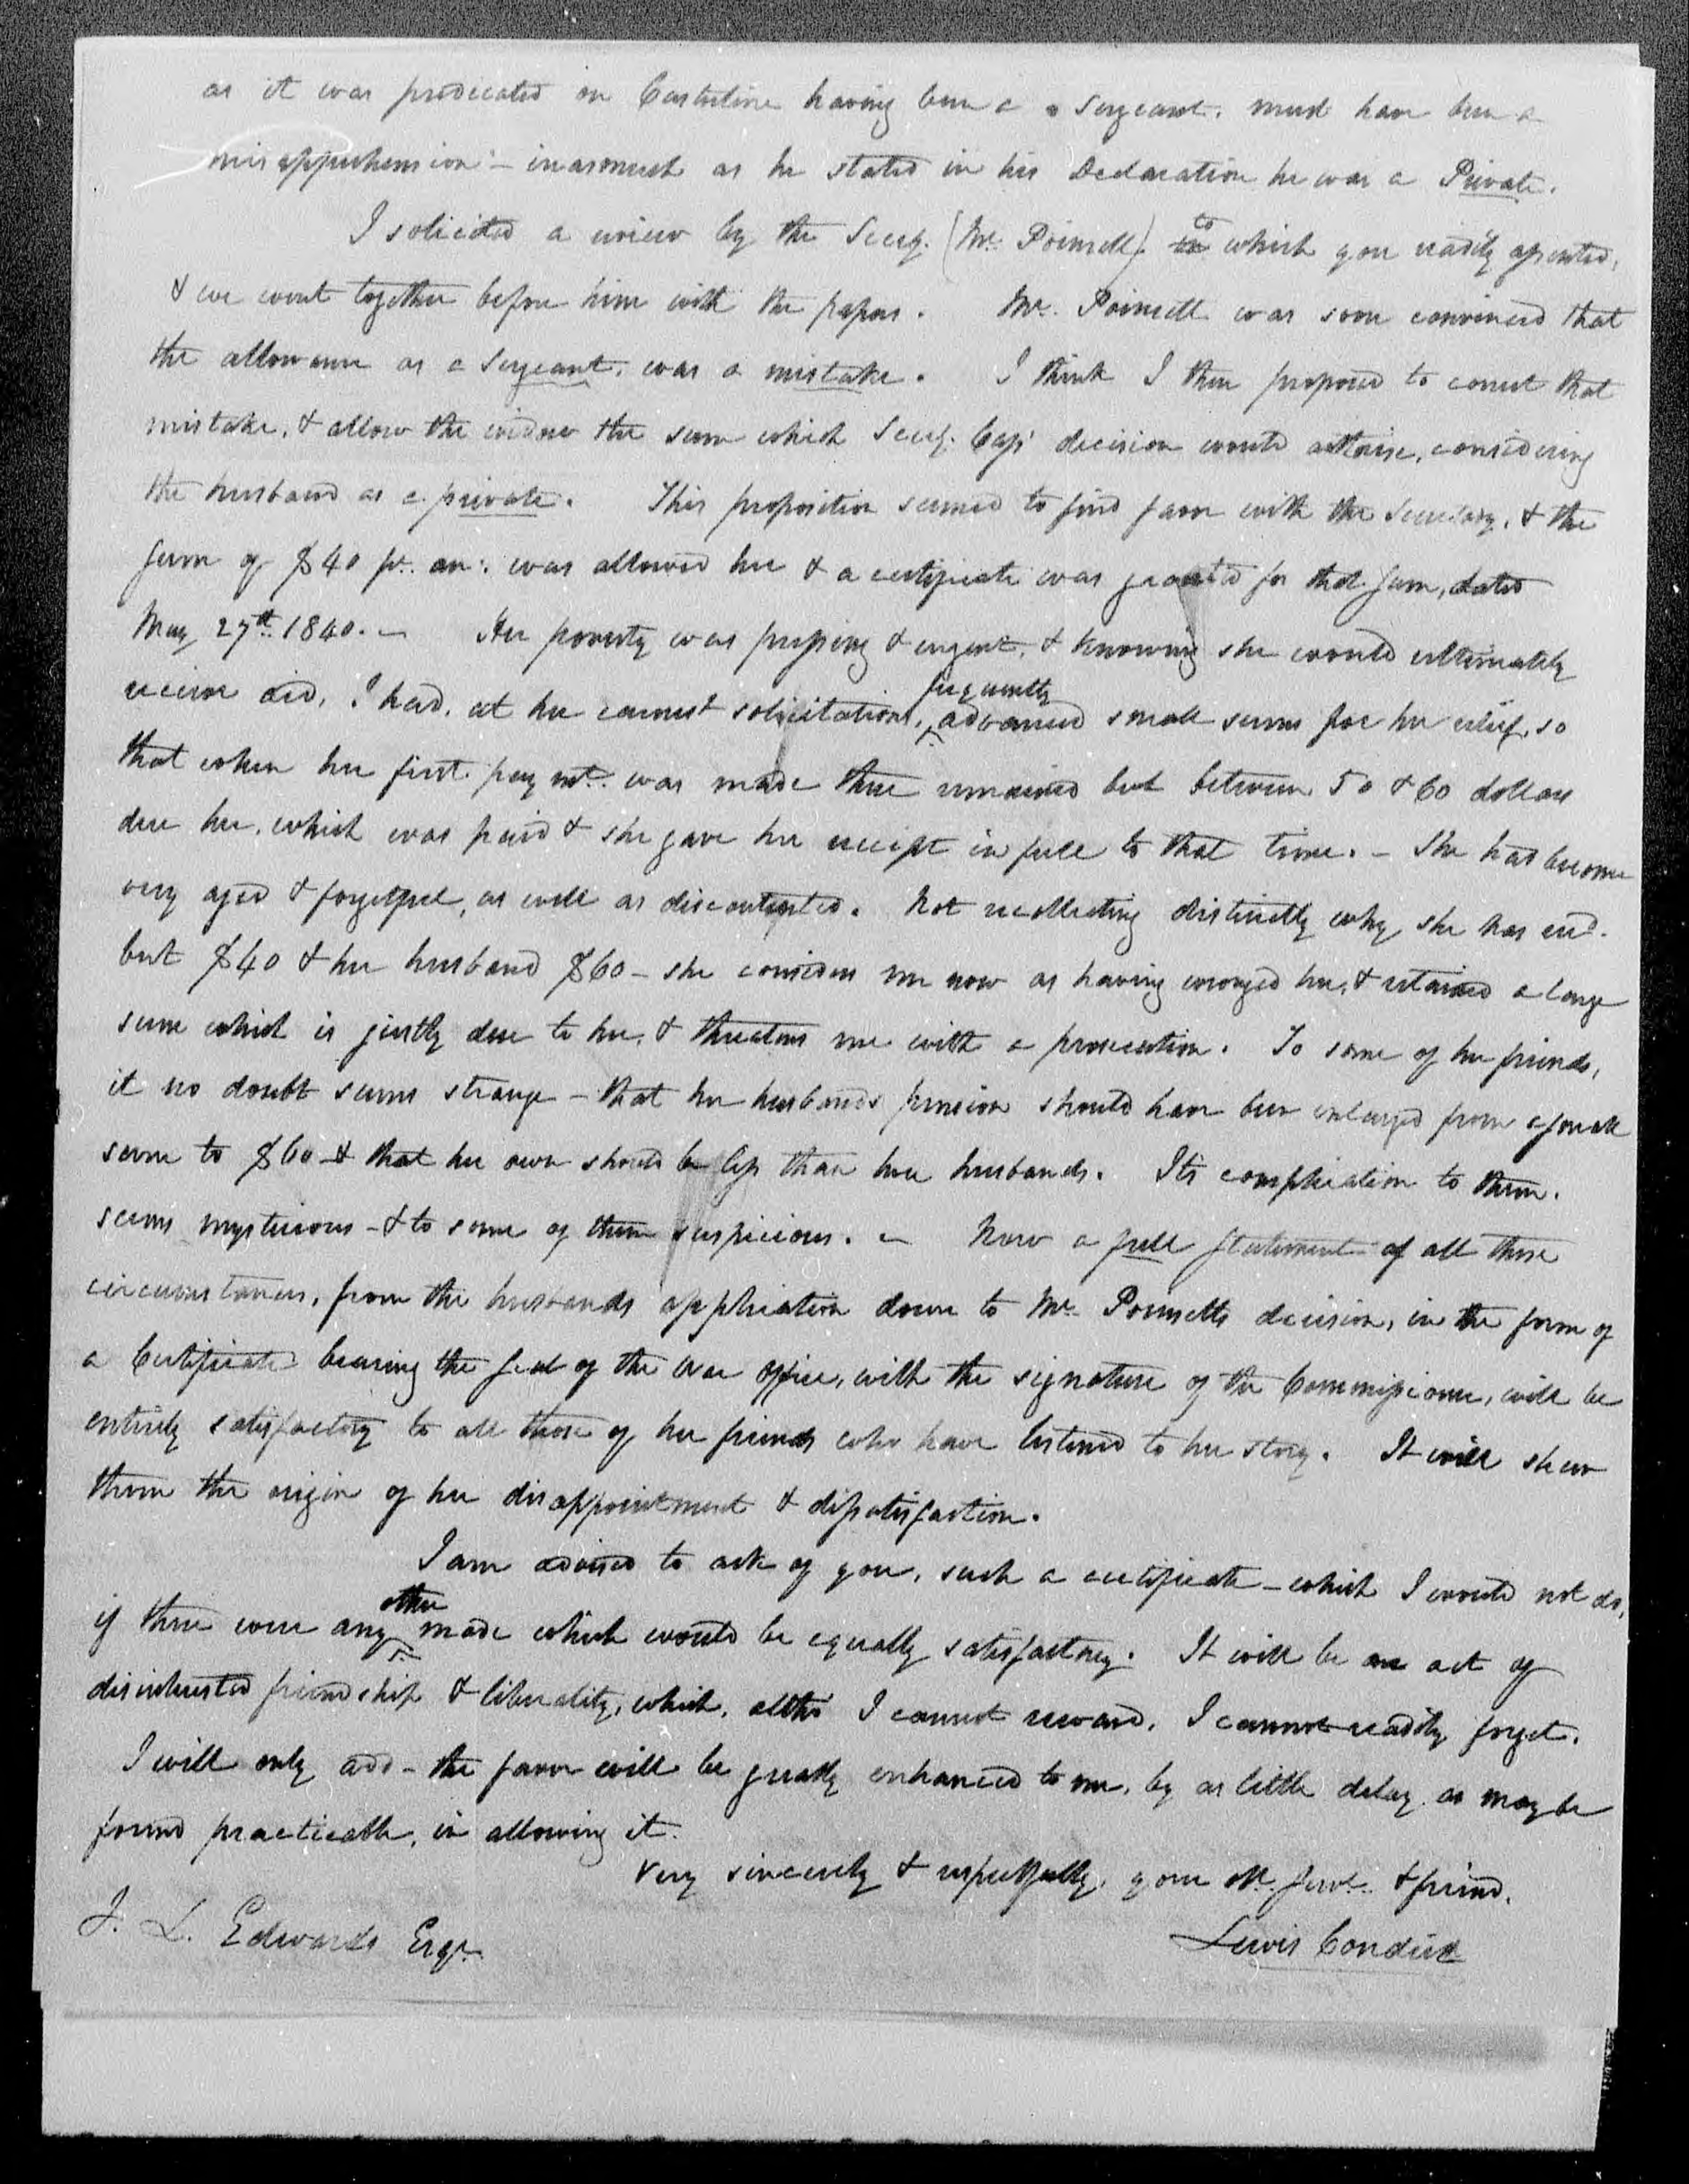[continued from previous page]

as it was predicated on Casterline having been a Sergeant must have been a misapprehension - in as much as he states in his declaration  he was a Private.  
I solicited a waiver by the Secy (Mr Poinsett) to which you verily granted and we went together before him with the papers.  Mr. Poinsett was soon convinced that the allowance as a Sergeant was a mistake.  I think I then prepared to correct that mistake and allow the widow the sum which Secy. decision wants [?] the husband as a private.  This proposition seemed to find from with the severity and the sum of $40 pr. an. was allowed here and a certificate was granted for the sum, dated May 27th 1840.  Her poverty was pressing and urgent and knowing she could ultimately receive aid I had, at her current solicitation [?] small rooms for her relief so that when her first payment was made there [?] between 50 and 60 dollars due her, which was paid and she gave her receipt in full to that time.  She had become very aged and forgetful, as well as discontented.  Not recollecting distinctly why she has recd but $40 and her husband $60 - she [?] me now as having [?] him and retained a large sum which is jointly due to her, and [?] me with a [?].  To some of her friends it no doubt seems strange that her husband's pension should have been enlarged from a small sum to $60 and that he owns[?] than  her husbands.  It's complication to them seems mysterious and to some of them suspicious.   Now a full statement of all these  circumstances from the husband's application to Mr. Poinsett's decision in the form of  a certificate bearing the seal of the War Office, with the signature of the commissioner will be entirely satisfactory to all those of her friends who have listened to  her story.  It will show thru the origin of her disappointment and dissatisfaction.  
I am [?] to ask of you, rush a [?] which I would not do if there were any other mode which would be equally satisfactory.  It will be one act of disinhearted friendship and liberality which, altho I cannot record, I cannot readily forget.  I will only add - the form will be greatly enhanced to me by a little duty as maybe [?] practicable in allowing it.  
Very [?] & respectfully your [?] & friend
Lewis Condict

J L Edwards Esq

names: Poinsett, J L Edwards, Poinsett, Lewis Condict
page: 38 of 38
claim: widow's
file: W. 6644, Jacob Casterline, New Jersey